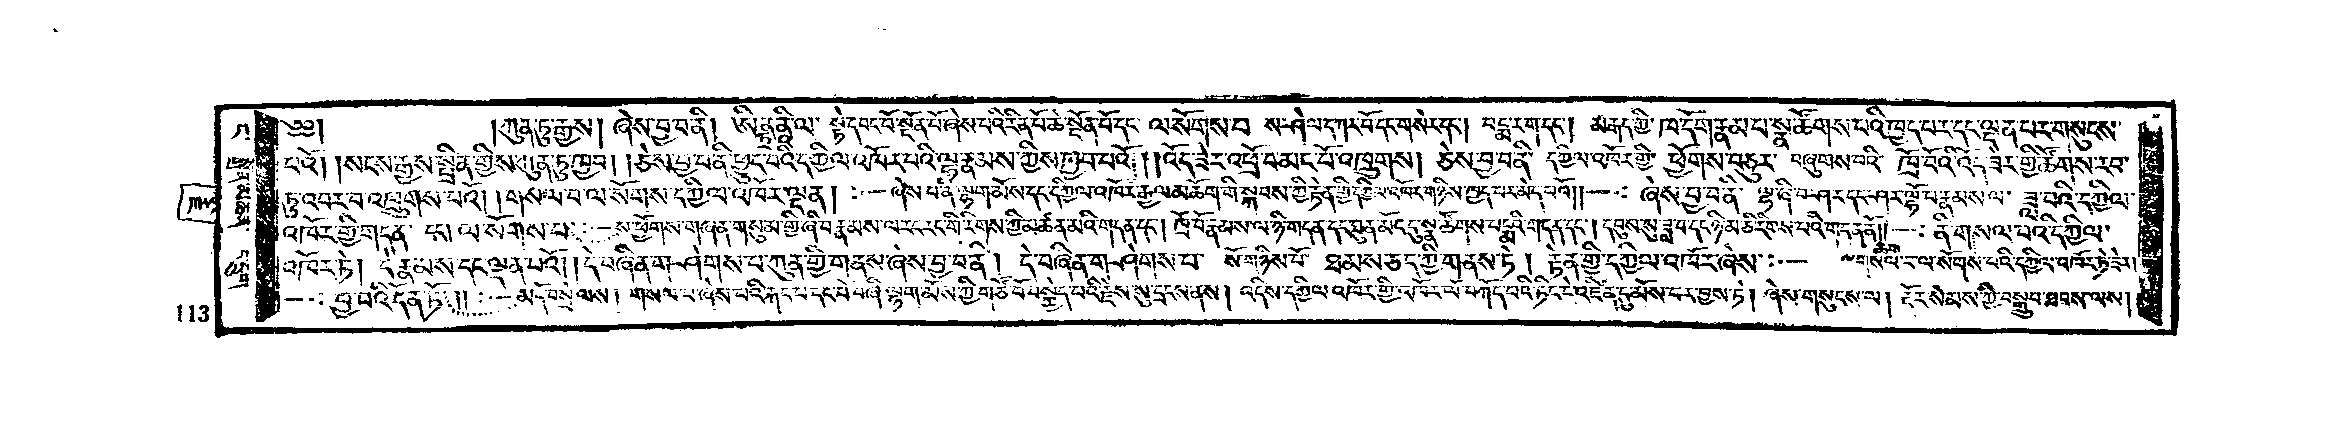༄༅། །ཀུན་ཏུ་རྒྱས། ཞེས་བྱ་བ་ནི། ཨིནྟྲ་ནཱི་ལ་སྟེ་དབང་པོ་སྔོན་པོ་ཞེས་པའི་རིན་པོ་ཆེ་སྔོན་པོ་དང་ལ་སོགས་པ་ས་ཤེལ་དཀར་པོ་དང་གསེར་དང་། པདམ་ར་ག་དང་། མྲྒད་ཀྱི་ཁ་དོག་རྣམ་པ་སྣ་ཚོགས་པའི་ཁྱད་པར་དང་ལྡན་པར་གསུངས་
པའོ། །སངས་རྒྱས་སྤྲིན་གྱིས་ཀུན་ཏུ་ཁྱབ། །ཅེས་བྱ་བ་ནི་ཕྱུང་བའི་དཀྱིལ་འཁོར་བའི་ལྷ་རྣམས་ཀྱིས་ཁྱབ་པའོ། །འོད་ཟེར་འཕྲོ་བ་མང་པོ་འཁྲུགས། ཅེས་བྱ་བ་ནི་དཀྱིལ་འཁོར་གྱི་ཕྱོགས་བཅུར་བཞུགས་པའི་ཁྲོ་བོའི་འོད་ཟེར་གྱི་ཚོགས་རབ་
ཏུ་འབར་བ་འཁྲུགས་པའོ། །གསལ་བ་ལ་སོགས་དཀྱིལ་འཁོར་ལྡན། ཞེས་པ་ནི་ལྷག་མོས་དང་དཀྱིལ་འཁོར་རྒྱལ་མཆོག་གི་སྐབས་ཀྱི་རྟེན་གྱི་དཀྱིལ་འཁོར་གཉིས་ཁྱད་པར་མེད་པའོ།།  ཞེས་བྱ་བ་ནི་ལྷ་ཞི་བ་ཤར་དང་ཤར་ལྷོ་པ་རྣམས་ལ་ཟླ་བའི་དཀྱིལ་
འཁོར་གྱི་གདན་དང་ལ་སོགས་པ་ས་ཕྱོགས་གཞན་གསུམ་གྱི་ཞི་བ་རྣམས་ལ་རང་རང་གི་རིགས་ཀྱི་མཚན་མའི་གདན་དང་། ཁྲོ་བོ་རྣམས་ལ་ཉི་གདན་དང་ཐུན་མོང་དུ་སྣ་ཚོགས་པདམའི་གདན་དང་། དབུས་སུ་ཟླ་བ་དང་ཉི་མ་ཅི་རིགས་པའི་གདན་ནོ།།  ནི་གསལ་བའི་དཀྱིལ་
འཁོར་ཏེ། དེ་རྣམས་དང་ལྡན་པའོ། །དེ་བཞིན་གཤེགས་པ་ཀུན་གྱི་གནས་ཞེས་བྱ་བ་ནི། དེ་བཞིན་གཤེགས་པ་སོ་གཉིས་པོ་ཐམས་ཅད་ཀྱི་གནས་ཏེ། རྟེན་གྱི་དཀྱིལ་འཁོར་ཞེས་ཆག་༧གསལ་བ་ལ་སོགས་པའི་དཀྱིལ་འཁོར་ཏེ་ཟེར
བྱ་བའི་དོན་ཏོ།། མདོ་བསྲེ་ལས། གསལ་བ་ཞེས་པའི་རྐང་པ་དང་པོ་བཞི་ལྷག་མོས་ཀྱི་གཙོ་བོ་བསྐྱེད་པའི་རྗེས་སུ་དྲངས་ནས། འདིས་དཀྱིལ་འཁོར་གྱི་འཁོར་ལོ་བཀོད་པའི་ཏིང་ངེ་འཛིན་དུ་མོས་པར་བྱས་ཏེ། ཞེས་གསུངས་ལ། རྡོར་སེམས་ཀྱི་བསྒྲུབ་ཐབས་ལས།།